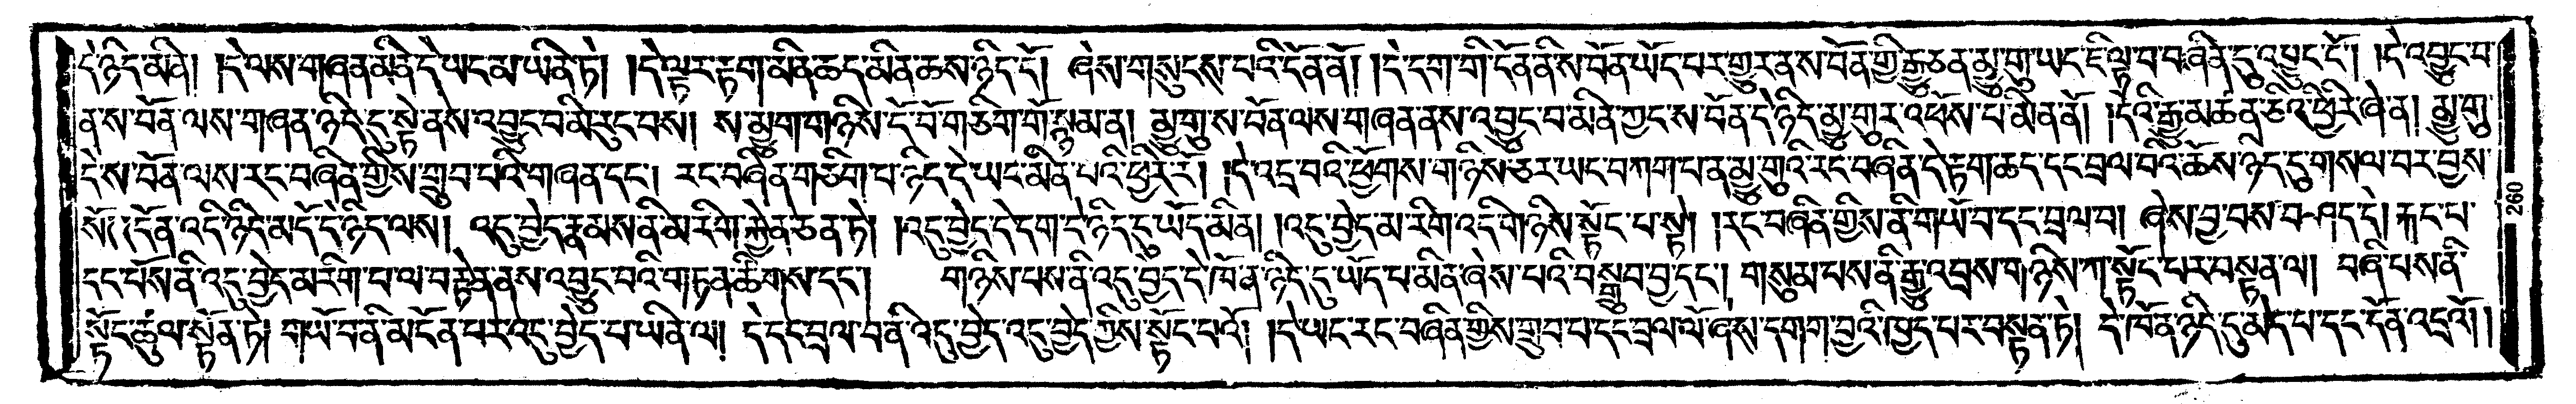དེ་ཉིད་མིན། །དེ་ལས་གཞན་མིན་དེ་ཡང་མ་ཡིན་ཏེ། །དེ་ལྟར་རྟག་མིན་ཆད་མིན་ཆོས་ཉིད་དོ། ཞེས་གསུངས་པའི་དོན་ནོ། །དེ་དག་གི་དོན་ནི་ས་བོན་ཡོད་པར་གྱུར་ན་ས་བོན་གྱི་རྒྱུ་ཅན་མྱུ་གུ་ཡང་ཇི་ལྟ་བ་བཞིན་དུ་འབྱུང་ངོ། །དེ་འབྱུང་བ་
ན་ས་བོན་ལས་གཞན་ཉིད་དུ་སྟེ་ནས་འབྱུང་བ་མི་རུང་བས། ས་མྱུག་གཉིས་ངོ་བོ་གཅིག་གོ་སྙམ་ན། མྱུ་གུ་ས་བོན་ལས་གཞན་ནས་འབྱུང་བ་མིན་ཀྱང་ས་བོན་དེ་ཉིད་མྱུ་གུར་འཕོས་པ་མིན་ནོ། །དེའི་རྒྱུ་མཚན་ཅིའི་ཕྱིར་ཞེ་ན། མྱུ་གུ་
དེ་ས་བོན་ལས་རང་བཞིན་གྱིས་གྲུབ་པའི་གཞན་དང་། རང་བཞིན་གཅིག་པ་ཉིད་དེ་ཡང་མིན་པའི་ཕྱིར་རོ། །དེ་འདྲ་བའི་ཕྱོགས་གཉིས་ཅར་ཡང་བཀག་པ་ན་མྱུ་གུའི་རང་བཞིན་དེ་རྟག་ཆད་དང་བྲལ་བའི་ཆོས་ཉིད་དུ་གསལ་བར་བྱས་
སོ༑ ༑དོན་འདི་ཉིད་མདོ་དེ་ཉིད་ལས། འདུ་བྱེད་རྣམས་ནི་མ་རིག་རྐྱེན་ཅན་ཏེ། །འདུ་བྱེད་དེ་དག་དེ་ཉིད་དུ་ཡོད་མིན། །འདུ་བྱེད་མ་རིག་འདི་གཉིས་སྟོང་པ་སྟེ། །རང་བཞིན་གྱིས་ནི་གཡོ་བ་དང་བྲལ་བ། ཞེས་བྱ་བས་བཤད་དེ། རྐང་པ་
དང་པོས་ནི་འདུ་བྱེད་མ་རིག་པ་ལ་བརྟེན་ནས་འབྱུང་བའི་གཏན་ཚིགས་དང་། གཉིས་པས་ནི་འདུ་བྱེད་དེ་ཁོ་ན་ཉིད་དུ་ཡོད་པ་མིན་ཞེས་པའི་བསྒྲུབ་བྱ་དང་། གསུམ་པས་ནི་རྒྱུ་འབྲས་གཉིས་ཀ་སྟོང་པར་བསྟན་ལ། བཞི་པས་ནི་
སྟོང་ཚུལ་སྟོན་ཏེ། གཡོ་བ་ནི་མངོན་པར་འདུ་བྱེད་པ་ཡིན་ལ། དེ་དང་བྲལ་བ་ནི་འདུ་བྱེད་འདུ་བྱེད་ཀྱིས་སྟོང་པའོ། །དེ་ཡང་རང་བཞིན་གྱིས་གྲུབ་པ་དང་བྲལ་ལོ་ཞེས་དགག་བྱའི་ཁྱད་པར་བསྟན་ཏེ། དེ་ཁོ་ན་ཉིད་དུ་མེད་པ་དང་དོན་འདྲའོ།།